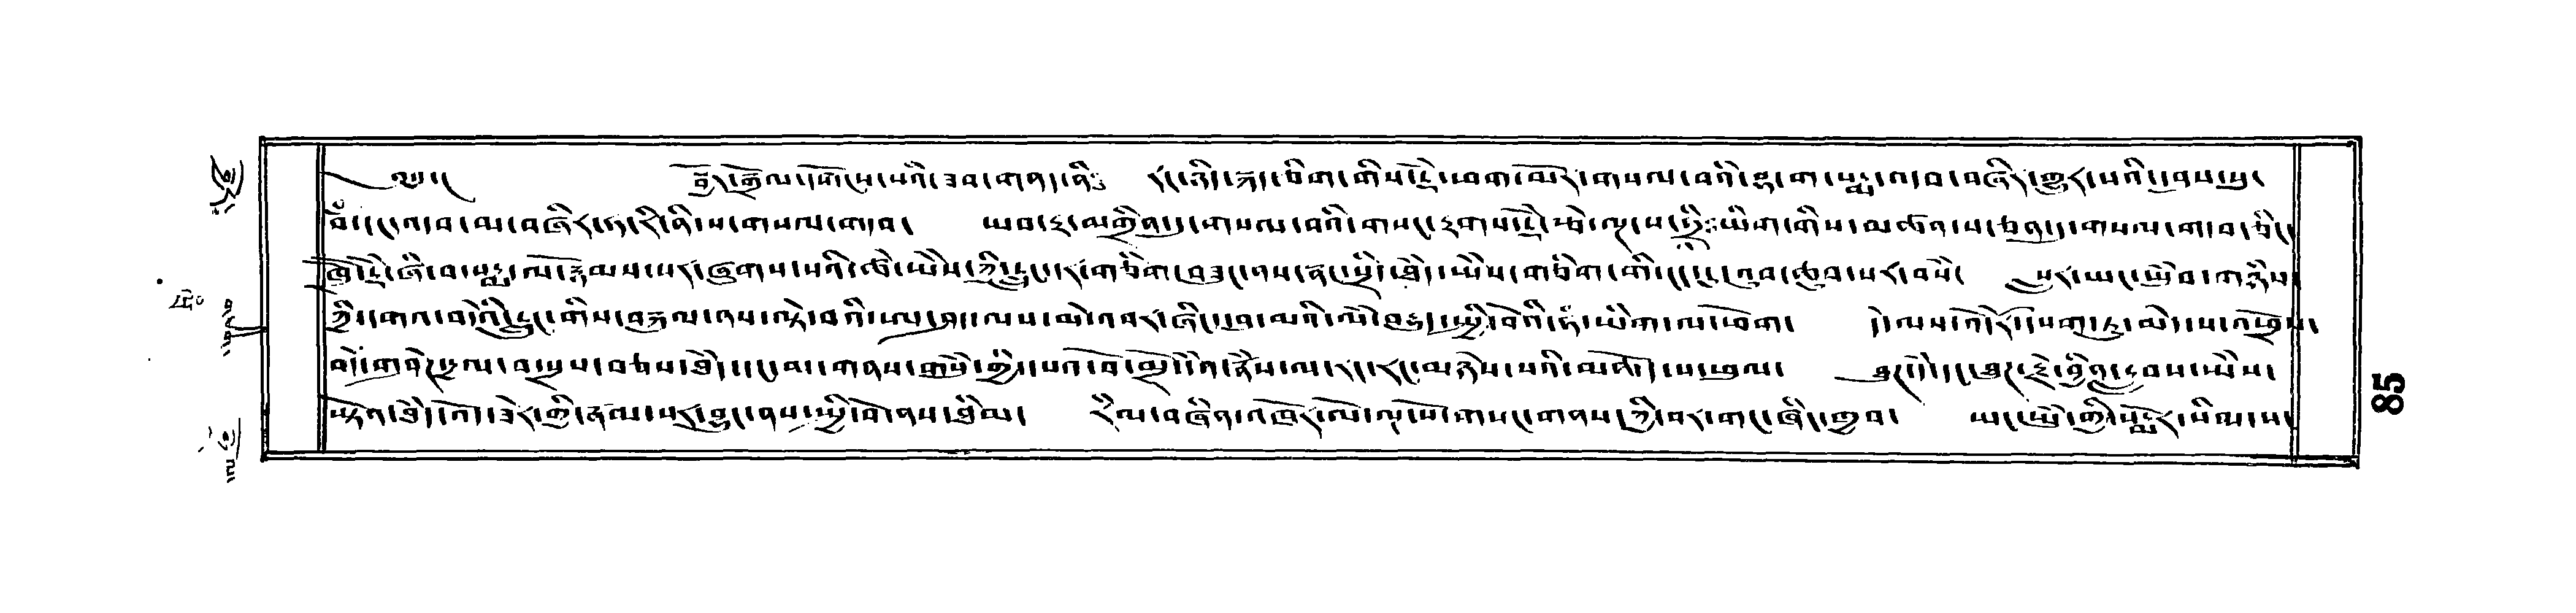༄༅། སྦྱོར་སྒྲོལ་དགོངས་པའི་ཟབ་གནད་ནི། རང་ཉིད་སྐད་ཅིག་གིས་རྡོ་རྗེ་ཕག་མོར་གསལ་བའི་བྷ་ག་པདྨ་འདབ་བཞིར་གྱུར་པའི་དབུས་སུ་
བྃ་དང་འདབ་མ་བཞིར་ཧ་རི་ནི་ས་གསལ་གདབ། ཡབ་རྟ་མགྲིན་དུ་གསལ་བའི་གསང་རྟགས་རྡོ་རྗེ་རྩེ་ལྔ་པ་ཧྲཱིཿཡིག་གིས་མཚན་པ་ཅན་དུ་གསལ་གདབ་ཅིང་
ཁྲོ་བོ་རྡོ་རྗེ་ཞི་བ་པདྨ་ལ་སྙོམས་པར་ཞུགས་པའི་ཚེ་ཡེ་ཤེས་ཀྱི་རླུང་དར་གཅིག་བཟུང་ནས་སྣང་སྲིད་ཐམས་ཅད་ཡེ་ཤེས་གཅིག་གི་ངང་དུ་འུབ་ཆུབ་པར་བསམ། སླར་ཡང་ཡབ་ཡུམ་གཉིས་
ཀྱི་དགའ་བདེའི་རླུང་གིས་བསྐུལ་ནས་ལྟེ་བའི་ཨ་ཤད་ལས་མེ་འབར་ཞིང་དབུ་མའི་ལམ་བརྒྱུད་སྤྱི་བོའི་ཧཾ་ཡིག་ལ་ཕོག དེ་ལས་འོད་ཟེར་དཔག་ཏུ་མེད་པ་འཕྲོས་
བདེ་གཤེགས་རྒྱལ་བ་སྲས་བཅས་ཐམས་ཅད་དང་མ་གནས་གསུམ་གྱི་དཔའ་བོ་མཁའ་འགྲོ་དམ་ཅན་རྣམས་ལ་རང་རང་མཉེས་པའི་མཆོད་པ་ཕུལ། ཐུགས་དམ་དང་ཐུགས་རྗེ་བྱིན་རླབས་ཡེ་ཤེས་
ཡོན་ཏན་ཐམས་ཅད་འོད་ཟེར་གྱི་རྣམ་པར་བྱུང་ནས་སྤྱི་བོ་ནས་ཐིམ། རིམ་བཞིན་འཁོར་ལོ་ལྔ་པོ་གསང་གནས་ཀྱི་བར་གང་ཞིང་ཁྱབ། ཡང་ཡུམ་གྱི་པདྨོར་སིམ་པ་